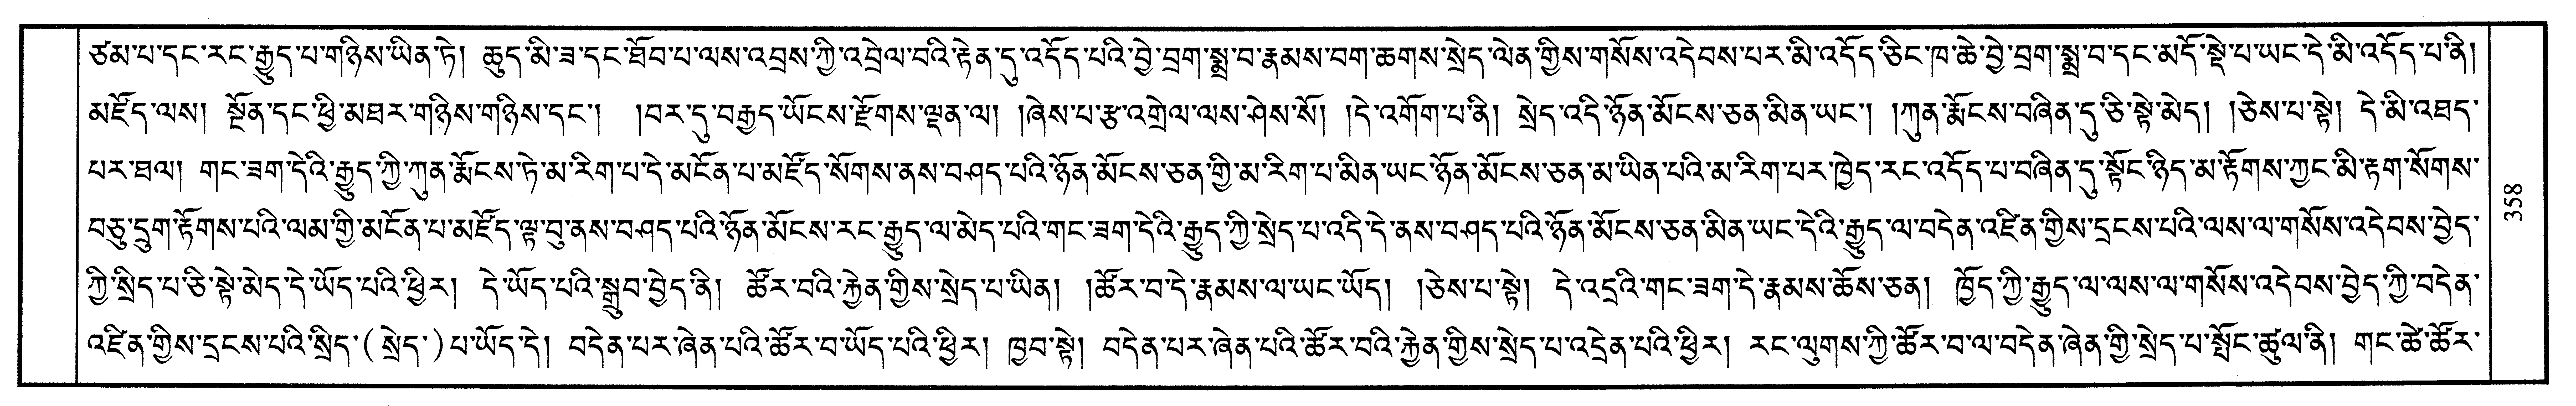ཙམ་པ་དང་རང་རྒྱུད་པ་གཉིས་ཡིན་ཏེ། ཆུད་མི་ཟ་དང་ཐོབ་པ་ལས་འབྲས་ཀྱི་འབྲེལ་བའི་རྟེན་དུ་འདོད་པའི་བྱེ་བྲག་སྨྲ་བ་རྣམས་བག་ཆགས་སྲེད་ལེན་གྱིས་གསོས་འདེབས་པར་མི་འདོད་ཅིང་ཁ་ཆེ་བྱེ་བྲག་སྨྲ་བ་དང་མདོ་སྡེ་པ་ཡང་དེ་མི་འདོད་པ་ནི།
མཛོད་ལས། སྔོན་དང་ཕྱི་མཐར་གཉིས་གཉིས་དང་། །བར་དུ་བརྒྱད་ཡོངས་རྫོགས་ལྡན་ལ། །ཞེས་པ་རྩ་འགྲེལ་ལས་ཤེས་སོ། །དེ་འགོག་པ་ནི། སྲེད་འདི་ཉོན་མོངས་ཅན་མིན་ཡང་། །ཀུན་རྨོངས་བཞིན་དུ་ཅི་སྟེ་མེད། །ཅེས་པ་སྟེ། དེ་མི་འཐད་
པར་ཐལ། གང་ཟག་དེའི་རྒྱུད་ཀྱི་ཀུན་རྨོངས་ཏེ་མ་རིག་པ་དེ་མངོན་པ་མཛོད་སོགས་ནས་བཤད་པའི་ཉོན་མོངས་ཅན་གྱི་མ་རིག་པ་མིན་ཡང་ཉོན་མོངས་ཅན་མ་ཡིན་པའི་མ་རིག་པར་ཁྱེད་རང་འདོད་པ་བཞིན་དུ་སྟོང་ཉིད་མ་རྟོགས་ཀྱང་མི་རྟག་སོགས་
བཅུ་དྲུག་རྟོགས་པའི་ལམ་གྱི་མངོན་པ་མཛོད་ལྟ་བུ་ནས་བཤད་པའི་ཉོན་མོངས་རང་རྒྱུད་ལ་མེད་པའི་གང་ཟག་དེའི་རྒྱུད་ཀྱི་སྲེད་པ་འདི་དེ་ནས་བཤད་པའི་ཉོན་མོངས་ཅན་མིན་ཡང་དེའི་རྒྱུད་ལ་བདེན་འཛིན་གྱིས་དྲངས་པའི་ལས་ལ་གསོས་འདེབས་བྱེད་
ཀྱི་སྲིད་པ་ཅི་སྟེ་མེད་དེ་ཡོད་པའི་ཕྱིར། དེ་ཡོད་པའི་སྒྲུབ་བྱེད་ནི། ཚོར་བའི་རྐྱེན་གྱིས་སྲེད་པ་ཡིན། །ཚོར་བ་དེ་རྣམས་ལ་ཡང་ཡོད། །ཅེས་པ་སྟེ། དེ་འདྲའི་གང་ཟག་དེ་རྣམས་ཆོས་ཅན། ཁྱོད་ཀྱི་རྒྱུད་ལ་ལས་ལ་གསོས་འདེབས་བྱེད་ཀྱི་བདེན་
འཛིན་གྱིས་དྲངས་པའི་སྲིད་སྲེད་པ་ཡོད་དེ། བདེན་པར་ཞེན་པའི་ཚོར་བ་ཡོད་པའི་ཕྱིར། ཁྱབ་སྟེ། བདེན་པར་ཞེན་པའི་ཚོར་བའི་རྐྱེན་གྱིས་སྲེད་པ་འདྲེན་པའི་ཕྱིར། རང་ལུགས་ཀྱི་ཚོར་བ་ལ་བདེན་ཞེན་གྱི་སྲེད་པ་སྤོང་ཚུལ་ནི། གང་ཚེ་ཚོར་